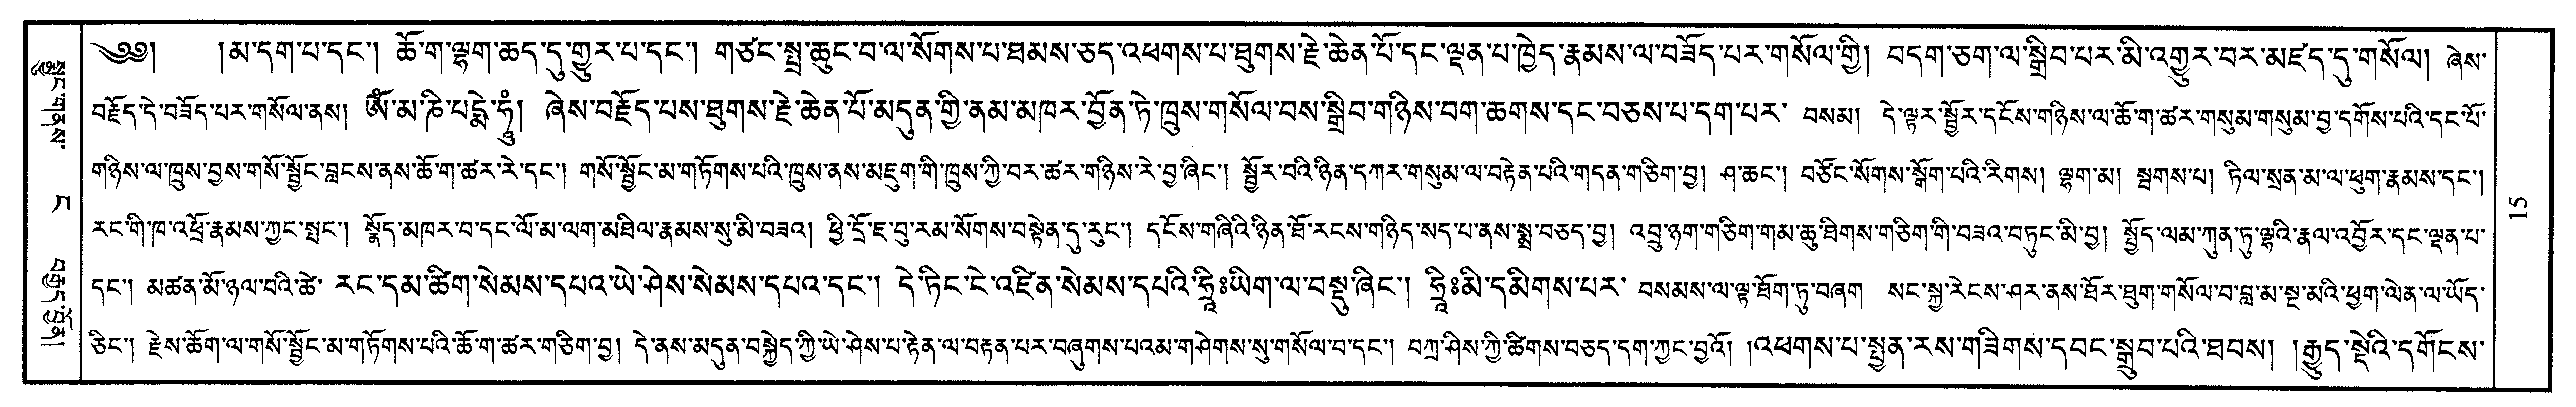༄༅། །མ་དག་པ་དང་། ཆོ་ག་ལྷག་ཆད་དུ་གྱུར་པ་དང་། གཙང་སྤྲ་ཆུང་བ་ལ་སོགས་པ་ཐམས་ཅད་འཕགས་པ་ཐུགས་རྗེ་ཆེན་པོ་དང་ལྡན་པ་ཁྱེད་རྣམས་ལ་བཟོད་པར་གསོལ་གྱི། བདག་ཅག་ལ་སྒྲིབ་པར་མི་འགྱུར་བར་མཛད་དུ་གསོལ། ཞེས་
བརྗོད་དེ་བཟོད་པར་གསོལ་ནས། ཨོཾ་མ་ཎི་པདམེ་ཧཱུཾ། ཞེས་བརྗོད་པས་ཐུགས་རྗེ་ཆེན་པོ་མདུན་གྱི་ནམ་མཁར་བྱོན་ཏེ་ཁྲུས་གསོལ་བས་སྒྲིབ་གཉིས་བག་ཆགས་དང་བཅས་པ་དག་པར་བསམ། དེ་ལྟར་སྦྱོར་དངོས་གཉིས་ལ་ཆོ་ག་ཚར་གསུམ་གསུམ་བྱ་དགོས་པའི་དང་པོ་
གཉིས་ལ་ཁྲུས་བྱས་གསོ་སྦྱོང་བླངས་ནས་ཆོ་ག་ཚར་རེ་དང་། གསོ་སྦྱོང་མ་གཏོགས་པའི་ཁྲུས་ནས་མཇུག་གི་ཁྲུས་ཀྱི་བར་ཚར་གཉིས་རེ་བྱ་ཞིང་། སྦྱོར་བའི་ཉིན་དཀར་གསུམ་ལ་བརྟེན་པའི་གདན་གཅིག་བྱ། ཤ་ཆང་། བཙོང་སོགས་སྒོག་པའི་རིགས། ལྷག་མ། སྦགས་པ། ཏིལ་སྲན་མ་ལ་ཕུག་རྣམས་དང་།
རང་གི་ཁ་འཕྲོ་རྣམས་ཀྱང་སྤང་། སྣོད་མཁར་བ་དང་ལོ་མ་ལག་མཐིལ་རྣམས་སུ་མི་བཟའ། ཕྱི་དྲོ་ཇ་བུ་རམ་སོགས་བསྟེན་དུ་རུང་། དངོས་གཞིའི་ཉིན་ཐོ་རངས་གཉིད་སད་པ་ནས་སྨྲ་བཅད་བྱ། འབྲུ་ཉག་གཅིག་གམ་ཆུ་ཐིགས་གཅིག་གི་བཟའ་བཏུང་མི་བྱ། སྤྱོད་ལམ་ཀུན་ཏུ་ལྷའི་རྣལ་འབྱོར་དང་ལྡན་པ་
དང་། མཚན་མོ་ཉལ་བའི་ཚེ་རང་དམ་ཚིག་སེམས་དཔའ་ཡེ་ཤེས་སེམས་དཔའ་དང་། དེ་ཏིང་ངེ་འཛིན་སེམས་དཔའི་ཧྲཱིཿ ཡིག་ལ་བསྡུ་ཞིང་། ཧྲཱིཿ མི་དམིགས་པར་བསམས་ལ་ལྟ་ཐོག་ཏུ་བཞག །སང་སྐྱ་རེངས་ཤར་ནས་ཐོར་ཐུག་གསོལ་བ་བླ་མ་སྔ་མའི་ཕྱག་ལེན་ལ་ཡོད་
ཅིང་། རྗེས་ཆོག་ལ་གསོ་སྦྱོང་མ་གཏོགས་པའི་ཆོ་ག་ཚར་གཅིག་བྱ། དེ་ནས་མདུན་བསྐྱེད་ཀྱི་ཡེ་ཤེས་པ་རྟེན་ལ་བརྟན་པར་བཞུགས་པའམ་གཤེགས་སུ་གསོལ་བ་དང་། བཀྲ་ཤིས་ཀྱི་ཚིགས་བཅད་དག་ཀྱང་བྱའོ། །འཕགས་པ་སྤྱན་རས་གཟིགས་དབང་སྒྲུབ་པའི་ཐབས། །རྒྱུད་སྡེའི་དགོངས་